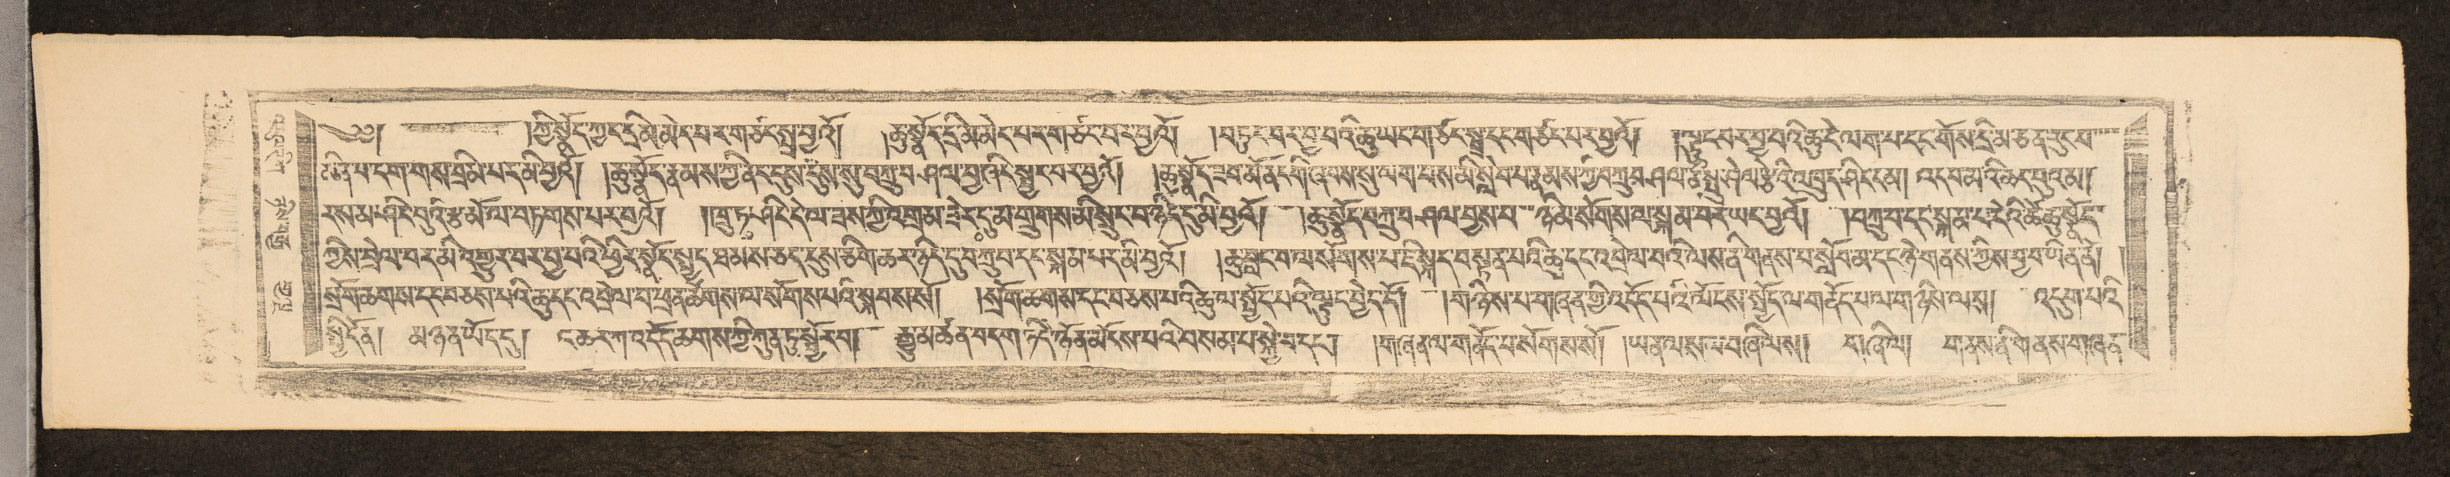༄༅། །ཀྱི་སྣོད་ཀྱང་དྲི་མ་མེད་པར་གཙང་སྦྲ་བྱའོ། །ཆུ་སྣོད་དྲི་མ་མེད་པར་གཙང་བར་བྱའོ། །བཏུང་བར་བྱ་བའི་ཆུ་ཡང་གཙང་སྦྲ་དང་གཙང་བར་བྱའོ། །ལྟུང་བར་བྱ་བའི་ཆུ་དེ་ལག་པ་དང་གོས་དྲི་མ་ཅན་རུང་བ་
མིན་པ་དག་གིས་བྲིམ་པར་མི་བྱའོ། །ཆུ་སྣོད་རྣམས་ཀྱི་ནང་དུས་དུས་སུ་བཀྲུ་བཤལ་བྱ་ཞིང་སྦྱང་བར་བྱའོ། །ཆུ་སྣོད་ཟབ་མོ་ནང་གི་ཞབས་སུ་ལག་པས་མི་སླེབ་པ་རྣམས་ཀྱི་བཀྲུ་བཤལ་ན་སྤུཾ་ཤེལ་རྩེའི་འཁྲུད་ཤིང་དམ། འདབ་མའི་ཆང་བུའམ།
རས་མ་ཤིང་བུའི་རྩེ་མོ་ལ་བཏགས་པར་བྱའོ། །ཁྲུ་ཏཾ་ཤིང་དེ་ལ་ཟས་ཀྱི་འགྲམ་ཟེར་དུ་མ་གྲུགས་མི་སྲུང་བ་ཉིད་དུ་མི་བྱའོ། །ཆུ་སྣོད་བཀྲུ་བཤལ་བྱས་པ་ཉི་མ་སོགས་ལ་སྐམ་པར་ཡང་བྱའོ། །བཀྲུ་བ་དང་སྐམ་པ་དེའི་ཚེ་ཆུ་སྣོད་
ཀྱིས་བྲེལ་བར་མི་འགྱུར་བར་བྱ་བའི་ཕྱིར་སྣོད་སྦྱད་ཐམས་ཅད་དུས་ཅིག་ཆར་ཉིད་དུ་བཀྲུ་བ་དང་སྐམ་པར་མི་བྱའོ། །ཆུ་བླང་བ་ལ་སོགས་པ་ཇི་སྐད་བསྟན་པའི་ཆུ་དང་འབྲེལ་བའི་ལས་ནི་གནས་པ་སློབ་མ་དང་ཉེ་གནས་ཀྱིས་བྱ་བ་ཡིན་ནོ། །
སྲོག་ཆགས་དང་བཅས་པའི་ཆུ་དང་འབྲེལ་བ་ཕྲན་ཚོགས་ལ་སོགས་པའི་སྐབས་སོ། །སྲོག་ཆགས་དང་བཅས་པའི་ཆུ་ལ་སྦྱོད་པའི་ལྟུང་བྱེད་དོ། །གཉིས་པ་གཞན་གྱི་འདོད་པའི་ལོངས་སྦྱོད་ལ་གནོད་པ་ལ་གཉིས་ལས། འདུག་པའི་
སྤྱི་དོན། མཉན་ཡོད་དུ། འཆར་ཀ་འདོད་ཆགས་ཀྱི་ཀུན་ཏུ་སྦྱོར་བ། རྒྱུ་མཚན་བདག་ཉིད་ཉོན་མོངས་པའི་བསམ་པ་སྐྱེབ་དང་། གཞན་ལ་གནོད་བསོགས་སོ། །ཡན་ལག་ལ་བཞི་ལས། གཞི་ལ། གནས་ནི་གནས་ལ་ཞེན་